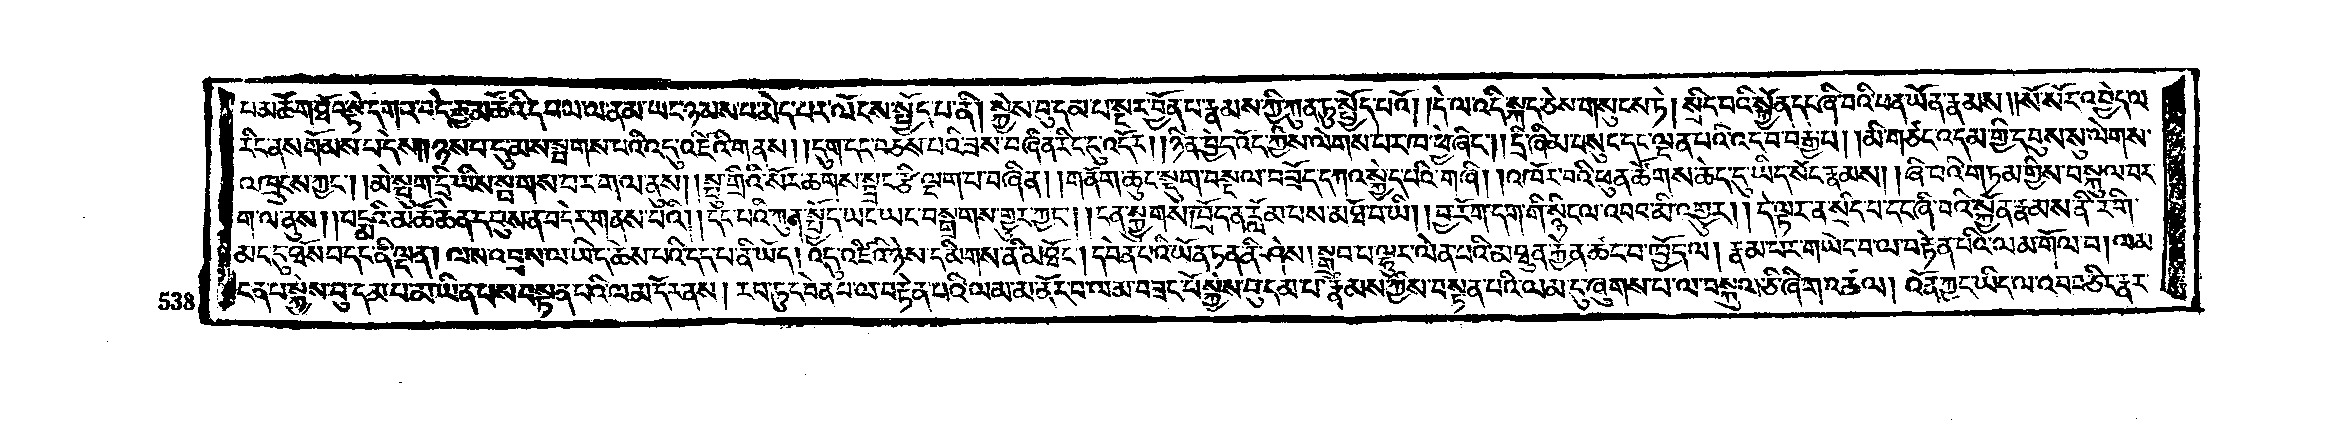པ་མཆོག་ཐོབ་སྟེ་དགའ་བདེ་རྒྱ་མཚོའི་དཔལ་ལ་ནམ་ཡང་ཉམས་པ་མེད་པར་ལོངས་སྤྱོད་པ་ནི། སྐྱེས་བུ་དམ་པ་སྔར་བྱོན་པ་རྣམས་ཀྱི་ཀུན་ཏུ་སྤྱོད་པའོ། །དེ་ལ་འདི་སྐད་ཅེས་གསུངས་ཏེ། སྲིད་པའི་སྐྱོན་དང་ཞི་བའི་ཕན་ཡོན་རྣམས། །སོ་སོར་འབྱེད་ལ་
རིང་ནས་གོམས་པ་དེས། །ཉེས་པ་དུ་མས་སྦགས་པའི་འདུ་འཛིའི་གནས། །དུག་དང་བཅས་པའི་ཟས་བཞིན་རིང་དུ་འདོར། །ཉིན་བྱེད་འོད་ཀྱིས་ལེགས་པར་ཁ་ཕྱེ་ཞིང་། །དྲི་ཞིམ་བསུང་དང་ལྡན་པའི་འདབ་བརྒྱ་པ། །མི་གཙང་འདམ་གྱི་དབུས་སུ་ལེགས་
འཁྲུངས་ཀྱང་། །མེ་སྡུག་དྲི་ཡིས་སྦགས་པར་ག་ལ་ནུས། །སྤུ་གྲིའི་སོར་ཆགས་སྦྲང་རྩི་ལྡོག་པ་བཞིན། །གནོག་ཆུང་སྡུག་བསྔལ་བཟོད་དཀའ་སྐྱེད་པའི་གཞི། །འཁོར་བའི་ཕུན་ཚོགས་ཆེད་དུ་ཡིད་སོང་རྣམས། །ཞི་བའི་གཏམ་གྱིས་བསྐུལ་བར་
ག་ལ་ནུས། །པདམའི་མཚོ་ཆེན་དབུས་ན་བདེར་གནས་པའི། །དང་པོའི་ཀུན་སྤྱོད་ཡང་ཡང་བསྒྲགས་གྱུར་ཀྱང་། །ངན་སྐྱུགས་ཁྲོད་ན་རློམ་པས་མཐོ་བ་ཡི། །བྱ་རོག་དག་གི་སྙིང་ལ་འབབ་མི་འགྱུར། །དེ་ལྟར་ན་སྲིད་པ་དང་ཞི་བའི་སྐྱོན་རྣམས་ནི་རིག་
མང་དུ་ཐོས་པ་དང་ནི་ལྡན། ལས་འབྲས་ལ་ཡིད་ཆེས་པའི་དད་པ་ནི་ཡོད། འདུ་འཛིའི་ཉེས་དམིགས་ནི་མཐོང་། དབེན་པའི་ཡོན་ཏན་ནི་ཤེས། སྒྲུབ་པ་ལྷུར་ལེན་པའི་མཐུན་རྐྱེན་ཚང་བ་ཁྱོད་ལ། རྣམ་པར་གཡེང་བ་ལ་བརྟེན་པའི་ལམ་གོལ་བ། ལམ་
ངན་པ་སྐྱེས་བུ་དམ་པ་མ་ཡིན་པས་བསྟན་པའི་ལམ་དོར་ནས། རབ་ཏུ་དབེན་པ་ལ་བརྟེན་པའི་ལམ་མ་ནོར་བ་ལམ་བཟང་པོ་སྐྱེས་བུ་དམ་པ་རྣམས་ཀྱིས་བསྟན་པའི་ལམ་དུ་ཞུགས་པ་ལ་བསྐུལ་ཅི་ཞིག་འཚལ། འོན་ཀྱང་ཡིད་ལ་འབབ་ཅིང་རྣར་